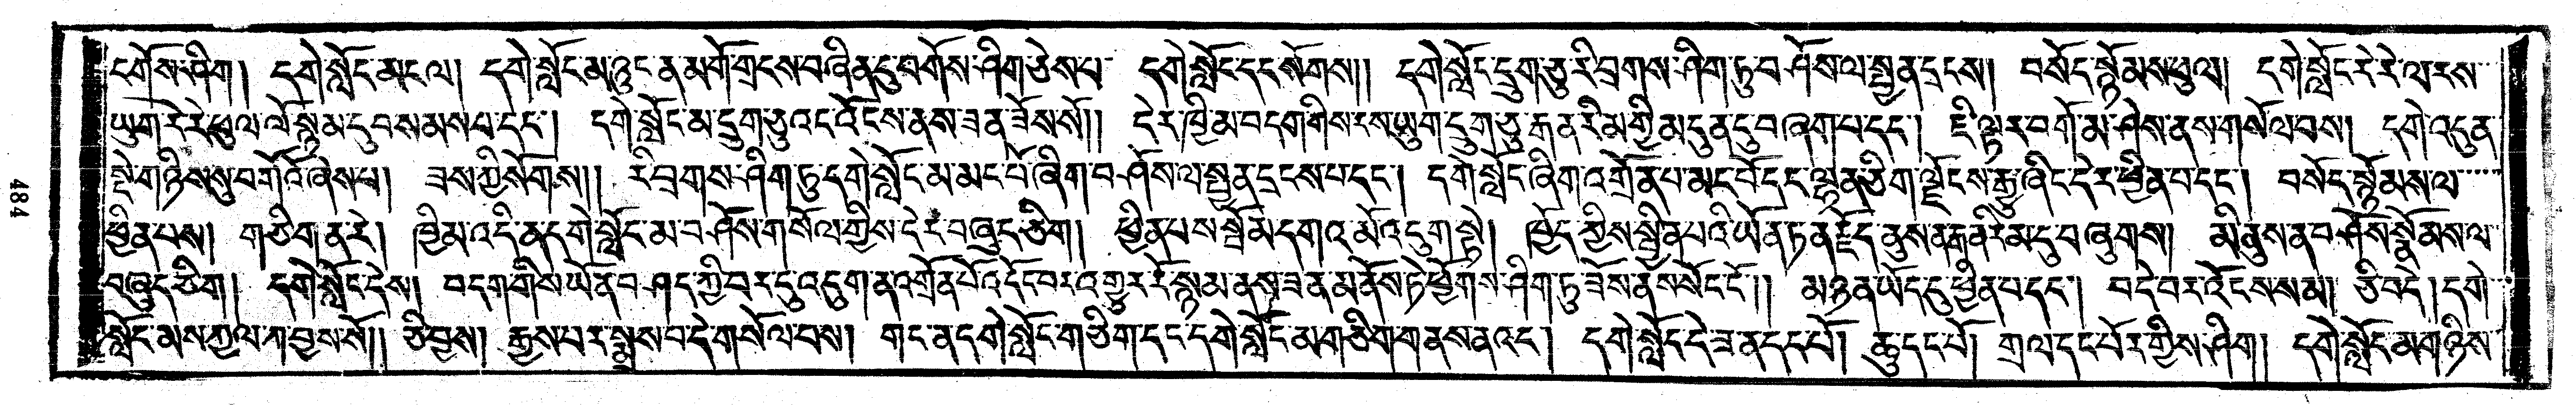དགོས་ཤིག། དགེ་སློང་མངལ། དགེ་སློང་མ་ཉུང་ན་མགོ་གྲངས་བཞིན་དུ་བགོས་ཤིག་ཅེས་པ་དགེ་སློང་དང་སོགས།། དགེ་སློང་དྲུག་ཅུ་རི་བྲགས་ཤིག་ཏུ་བཤོས་ལ་སྤྱན་དྲངས། བསོད་སྙོམས་ཕུལ། དགེ་སློང་རེ་རེ་ལ་རས་
ཡུག་རེ་རེ་ཕུལ་ལོ་སྙམ་དུ་བསམས་པ་དང་། དགེ་སློང་མ་དྲུག་ཅུའང་འོངས་ནས་ཟན་ཟོས་སོ།། དེར་ཁྱི་མ་བདག་གིས་རས་ཡུག་དྲུག་ཅུ་རྒན་རིམ་གྱི་མདུན་དུ་བཞག་པ་དང་། ཇི་ལྟར་བགོ་མ་ཤེས་ནས་གསོལ་བས། དགེ་འདུན་
སྡེ་གཉིས་སུ་བགོའོ་ཞེས་པ། ཟས་ཀྱི་སོགས།། རི་བྲགས་ཤིག་ཏུ་དགེ་སློང་མ་མང་པོ་ཞིག་བཤོས་ལ་སྤྱན་དྲངས་པ་དང་། དགེ་སློང་ཞིག་འགྲོན་པ་མང་པོ་དང་ལྷན་ཅིག་ལྗོངས་རྒྱུ་ཞིང་དེར་ཕྱིན་པ་དང་། བསོད་སྙོམས་ལ་
ཕྱིན་པས། གཅིག་ན་རེ། ཁྱིམ་འདི་ན་དགེ་སློང་མ་བཤོས་གསོལ་གྱིས་དེར་བཞུད་ཅིག། ཕྱིན་པས་སྦོམ་དགའ་མོ་འདུག་སྟེ། ཁྱོད་ཀྱིས་སྦྱིན་པའི་ཡོན་ཏན་རྗོད་ནུས་ན་རྒན་རིམ་དུ་བཞུགས། མི་ནུས་ན་བཤོས་སྣོམས་ལ་
བཞུད་ཅིག། དགེ་སློང་དེས། བདག་གིས་ཡོན་བཤད་ཀྱི་བར་དུ་འདུག་ན་འགྲོན་པོ་འདོད་བར་འགྱུར་རོ་སྙམ་ནས་ཟན་མནོས་ཏེ་ཕྱོགས་ཤིག་ཏུ་ཟོས་ནས་སོང་ངོ།། མཉན་ཡོད་དུ་ཕྱིན་པ་དང་། བདེ་བར་འོངས་སམ། ཅི་བདེ། དགེ་
སློང་མས་ཀྱལ་ཀ་བྱས་སོ།། ཅི་བྱས། རྒྱས་པར་སྨྲས་བ་དེ་གསོལ་བས། གང་ན་དགེ་སློང་གཅིག་དང་དགེ་སློང་མ་གཅིག་གནས་ནའང་། དགེ་སློང་དེ་ཟ་ན་དང་པོ། ཆུ་དང་པོ། གྲལ་དང་པོར་གྱིས་ཤིག། དགེ་སློང་མ་གཉིས་